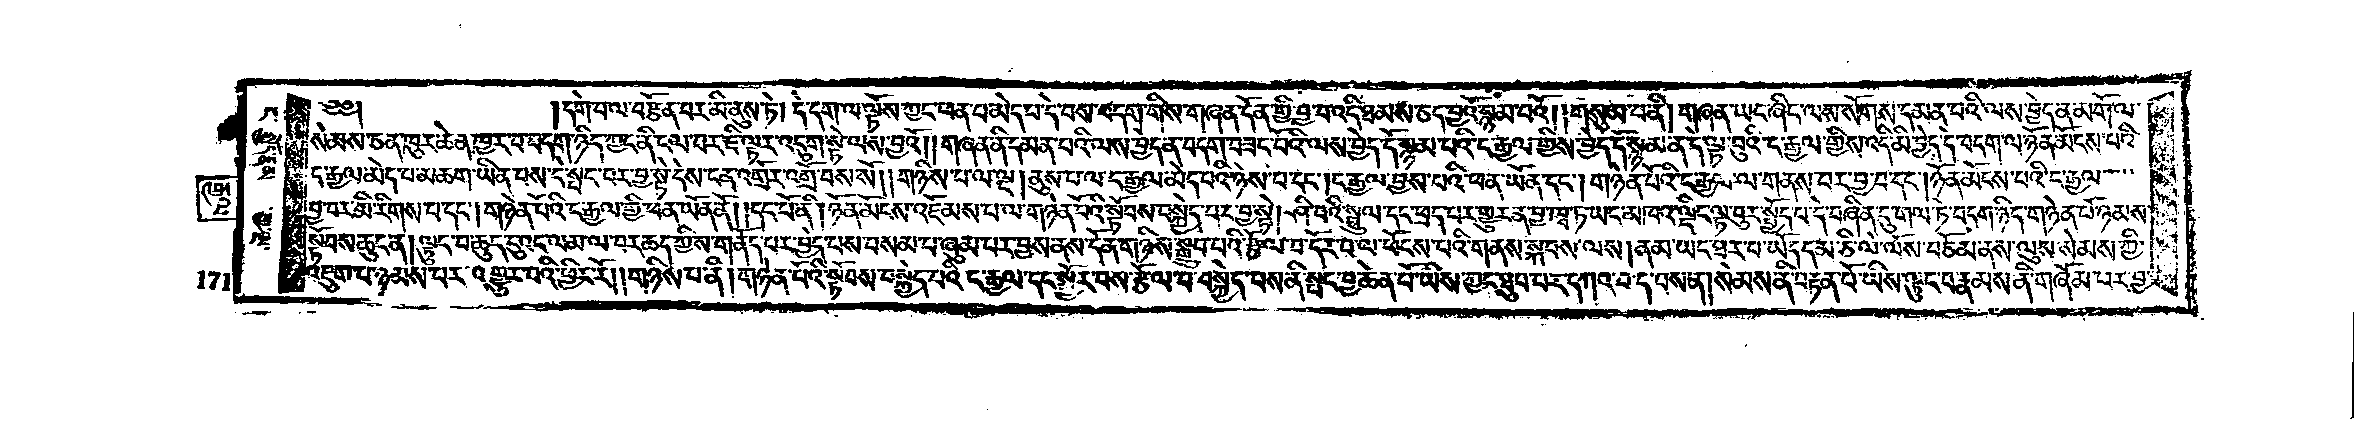༄༅། །དགེ་བ་ལ་བརྩོན་པར་མི་ནུས་ཏེ། དེ་དག་ལ་ལྟོས་ཀྱང་ཕན་པ་མེད་པ་དེ་བས་བདག་གིས་གཞན་དོན་གྱི་བྱ་བ་འདི་ཐམས་ཅད་བྱའོ་སྙམ་པའོ། །གསུམ་པ་ནི། གཞན་ཡང་ཞིང་ལས་སོགས་དམན་པའི་ལས་བྱེད་ན་མགོ་ལ་
སེམས་ཅན་ཁུར་ཆེན་ཁྱར་བ་བདག་ཉིད་ཀྱང་ནི་དལ་བར་ཇི་ལྟར་འདུག་སྟེ་ལས་བྱའོ། །གཞན་ནི་དམན་པའི་ལས་བྱེད་ན་བདག་བཟང་པོའི་ལས་བྱེད་དོ་སྙམ་པའི་ང་རྒྱལ་གྱིས་བྱེད་དོ་སྙམ་ན་དེ་ལྟ་བུའི་ང་རྒྱལ་གྱིས་འདི་མི་བྱེད་དེ་བདག་ལ་ཉོན་མོངས་པའི་
ང་རྒྱལ་མེད་བ་མཆག་ཡིན་པས་དེ་སྤང་བར་བྱ་སྟེ་དེས་ངན་འགྲོར་འགྲོ་བས་སོ། །གཉིས་པ་ལ་ལྔ། ནུས་པ་ལ་ང་རྒྱལ་མེད་པའི་ཉེས་པ་དང་། ང་རྒྱལ་བྱས་པའི་ཕན་ཡོན་དང་། གཉེན་པོའི་ང་རྒྱལ་ལ་གནས་པར་བྱ་བ་དང་། ཉོན་མོངས་པའི་ང་རྒྱལ་
བྱ་བར་མི་རིགས་པ་དང་། གཉེན་པོའི་ང་རྒྱལ་གྱི་ཕན་ཡོན་ནོ། །དང་པོ་ནི། ཉོན་མོངས་འཇོམས་པ་ལ་གཉེན་པོའི་སྟོབས་བསྐྱེད་པར་བྱ་སྟེ། ཤི་བའི་སྦྲུལ་དང་ཕྲད་པར་གྱུར་ན་བྱ་ཁྭ་ཏ་ཡང་མཁའ་ལྡིང་ལྟ་བུར་སྤྱོད་པ་དེ་བཞིན་དུ་གལ་ཏེ་བདག་ཉིད་གཉེན་པོ་ཉམས་
སྟོབས་ཆུང་ན། ལྡུང་བ་ཆུང་ངུའང་ལམ་ལ་བར་ཆད་ཀྱིས་གནོད་པར་བྱེད་པས་བསམ་པ་ཞུམ་པར་བྱས་ནས་དོན་གཉིས་སྒྲུབ་པའི་རྩོམ་བ་དོར་བ་ལ་ཕོངས་པའི་གནས་སྐབས་ལས། ནམ་ཡང་ཐར་པ་ཡོད་དམ་ཅི་ལེ་ལོས་བཅོམ་ནས་ལུས་སེམས་ཀྱི་
འཇུག་པ་ཉམས་པར་འགྱུར་བའི་ཕྱིར་རོ། །གཉིས་པ་ནི། གཉེན་པོའི་སྟོབས་བསྐྱེད་པའི་ང་རྒྱལ་དང་སྦྱོར་བས་རྩོལ་བ་བསྐྱེད་པས་ནི་སྤང་བྱ་ཆེན་པོ་ཡིས་ཀྱང་ཐུབ་པར་དཀའ་བ་དེ་བས་ན། སེམས་ནི་བརྟན་པོ་ཡིས་ལྟུང་བ་རྣམས་ནི་གཞོམ་པར་བྱ་